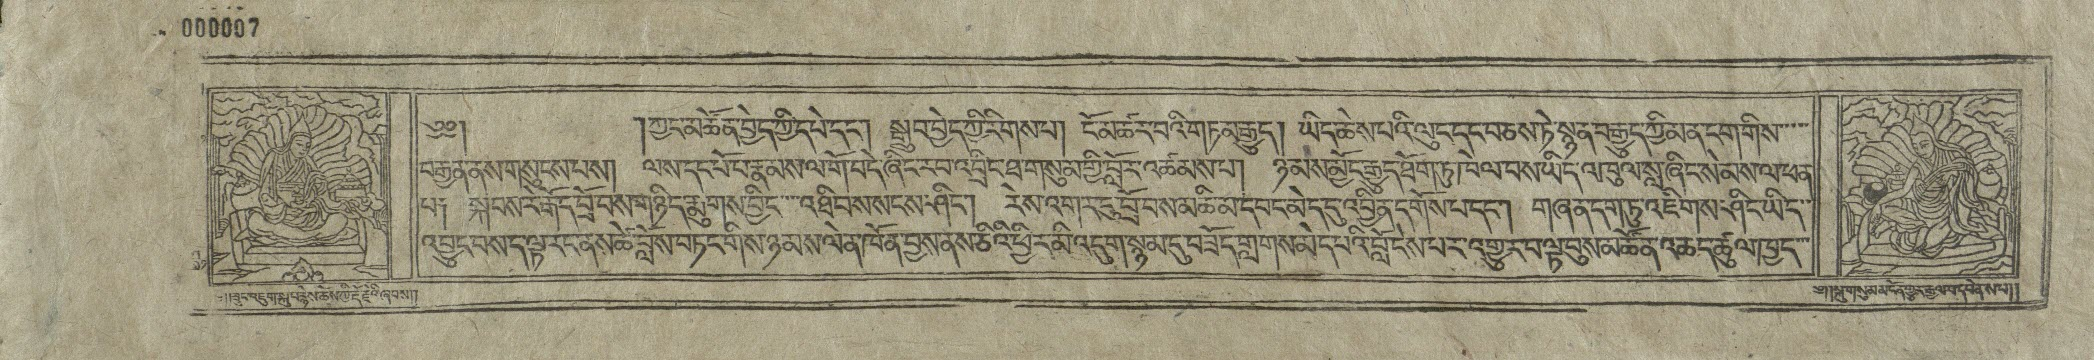་༄༅། །ཀྱང་མཚོན་བྱེད་ཀྱི་དཔེ་དང་། སྒྲུབ་བྱེད་ཀྱི་རིགས་པ། ངོ་མཚར་བའི་གཏམ་རྒྱུད། ཡིད་ཆེས་པའི་ལུང་དང་བཅས་ཏེ་སྙན་བརྒྱུད་ཀྱི་མན་ངག་གིས་
བརྒྱན་ནས་གསུངས་པས། ལས་དང་པོ་པ་རྣམས་ལ་གོ་བདེ་ཞིང་རབ་འབྲིང་ཐ་གསུམ་གྱི་བློར་འཚམས་པ། ཉམས་མྱོང་རྒྱུད་ཐོག་ཏུ་ཁེལ་བས་ཡིད་འཁུལ་སླ་ཞིང་སེམས་ལ་ཕན་
པ༑ སྐབས་རེ་རྒོད་བྲོ་བས་གཉིད་རྨུགས་བྱིང་འཐིབས་སངས་ཤིང་། རེས་འགར་དུ་?་བྲོ་བས་མཆི་མ་དབང་མེད་དུ་འབྱིན་དགོས་པ་དང་། གཞན་དག་ཏུ་འཇིགས་ཤིང་ཡིད་
འབྱུང་བས་ད་ལྟ་རང་ནས་ཚེ་བློས་བཏང་གིས་ཉམས་ལེན་ཁོ་ན་བྱས་ནས་ཅིའི་ཕྱིར་མི་འདུག་སྙམ་དུ་བཟོད་གླགས་མེད་པའི་བློ་ངེས་པར་འགྱུར་བ་ལྟ་བུས་མཚོན་འཆད་ཚུལ་ཁྱད་